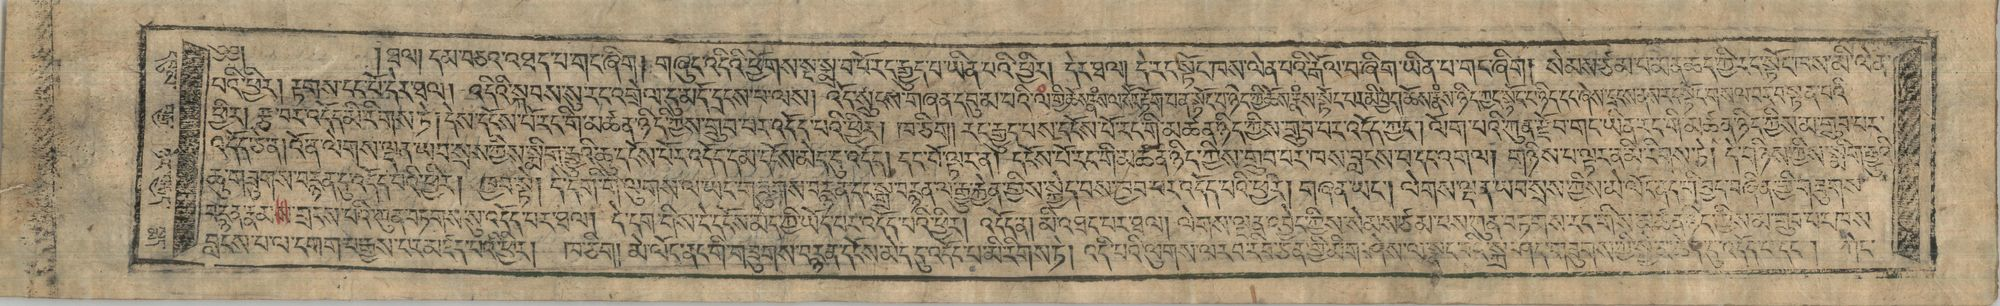༄༅། །ཐལ། དམ་བཅའ་འཐད་པ་གང་ཞིག ། གཞུང་འདིའི་ཕྱོགས་སྔ་སྨྲ་བ་པོར་རང་རྒྱུད་པ་ཡིན་པའི་ཕྱིར། དེར་ཐལ། དེ་རང་སྟོང་ཁས་ལེན་བའི་རྒོལ་བ་ཞིག་ཡིན་པ་གང་ཞིག ། སེམས་ཙམ་པ་མན་ཆད་ཀྱི་རང་སྟོང་ཁས་མི་ལེན་
པའི་ཕྱིར། རྟགས་དང་པོ་དེར་ཐལ། འདིའི་སྐབས་སུ་རང་འགྲེལ་དུ་མདོ་དྲངས་པ་ལས། འོད་སྲུངས་གཞན་དབུ་མ་པའི་ལཾ་གྱི་ཆོས་རྣཾས་ལ་སོ་སོར་?་རྟོག་པ་ན་སྟོང་པ་ཉིད་ཀྱི་ཆོས་རྣཾས་སྟོང་པར་མི་བྱེད། ཆོས་རྣཾས་ཉིད་ཀྱང་སྟོང་པ་ཉིད་དང་ཞེས་དྲངས་ནས་རང་སྟོང་གསལ་བར་བསྟན་པའི་
ཕྱིར། རྩ་བར་འདོད་མི་རིགས་ཏེ། དེས་དངོས་པོ་རང་གི་མཚན་ཉིད་ཀྱིས་གྲུབ་པར་འདོད་པའི་ཕྱིར། ཁ་ཅིག ། རང་རྒྱུད་པས་དངོས་པོ་རང་གི་མཚན་ཉིད་ཀྱིས་གྲུབ་པར་འདོད་ཀྱང་། ལོག་པའི་ཀུན་རྫོབ་གང་ཡིན་རང་གི་མཚན་ཉིད་ཀྱིས་མ་གྲུབ་པར་
འདོད་ཅེ་ན། འོ་ན་ལེགས་ལྡན་ཡབ་སྲས་ཀྱིས་སྨིག་རྒྱུའི་ཆུ་དངོས་པོར་འདོད་དམ་དངོས་མེད་དུ་འདོད། དང་པོ་ལྟར་ན། དངོས་པོ་རང་གི་མཚན་ཉིད་ཀྱིས་གྲུབ་པར་ཁས་བླངས་པ་དང་འགལ། གཉིས་པ་ལྟར་ན་མི་རིགས་ཏེ། དེ་གཉིས་ཀྱིས་སྨིག་རྒྱུའི་
ཆུ་གཟུགས་བརྙན་དུ་འདོད་པའི་ཕྱིར། ཁྱབ་སྟེ། དེ་དག་གི་ལུགས་ལ་ཡང་གཟུགས་བརྙན་དང་སྒྲ་བརྙན་ལ་རྒྱུ་རྐྱེན་གྱིས་སྐྱེད་པས་ཁྱབ་པར་འདོད་པའི་ཕྱིར། གཞན་ཡང་། ལེགས་ལྡན་ཡབ་སྲས་ཀྱིས་མེ་ལོང་ནང་གི་བྱད་བཞིན་གྱི་གཟུགས་
བརྙན་རྣམ་གྲངས་པའི་ཀུན་བཏགས་སུ་འདོད་པར་ཐལ། དེ་དག་གིས་དེ་དངོས་མེད་ཀྱི་ཡོད་པར་འདོད་པའི་ཕྱིར། འདོད་ན། མི་འཐད་པར་ཐལ། ལེགས་ལྡན་འབྱེད་ཀྱིས་སེམས་ཙམ་པས་ཀུན་བཏགས་རང་གིས་མཚན་ཉིད་ཀྱིས་མ་གྲུབ་པར་ཁས་
བླངས་པ་ལ་དགག་པ་རྒྱས་པར་མཛད་པའི་ཕྱིར། ཁ་ཅིག ། མེ་ལོང་ནང་གི་གཟུགས་བརྙན་དངོས་མེད་དུ་འདོད་པ་མི་རིགས་ཏེ། འདི་པའི་ལུགས་ལ་རབ་རིབ་ཅན་གྱི་མིག་ཤེས་ལ་སྣང་བའི་སྐྲ་ཤད་གཟུགས་ཀྱི་སྐྱེ་མཆེད་དུ་འདོད་པ་དང་། ཀེང་